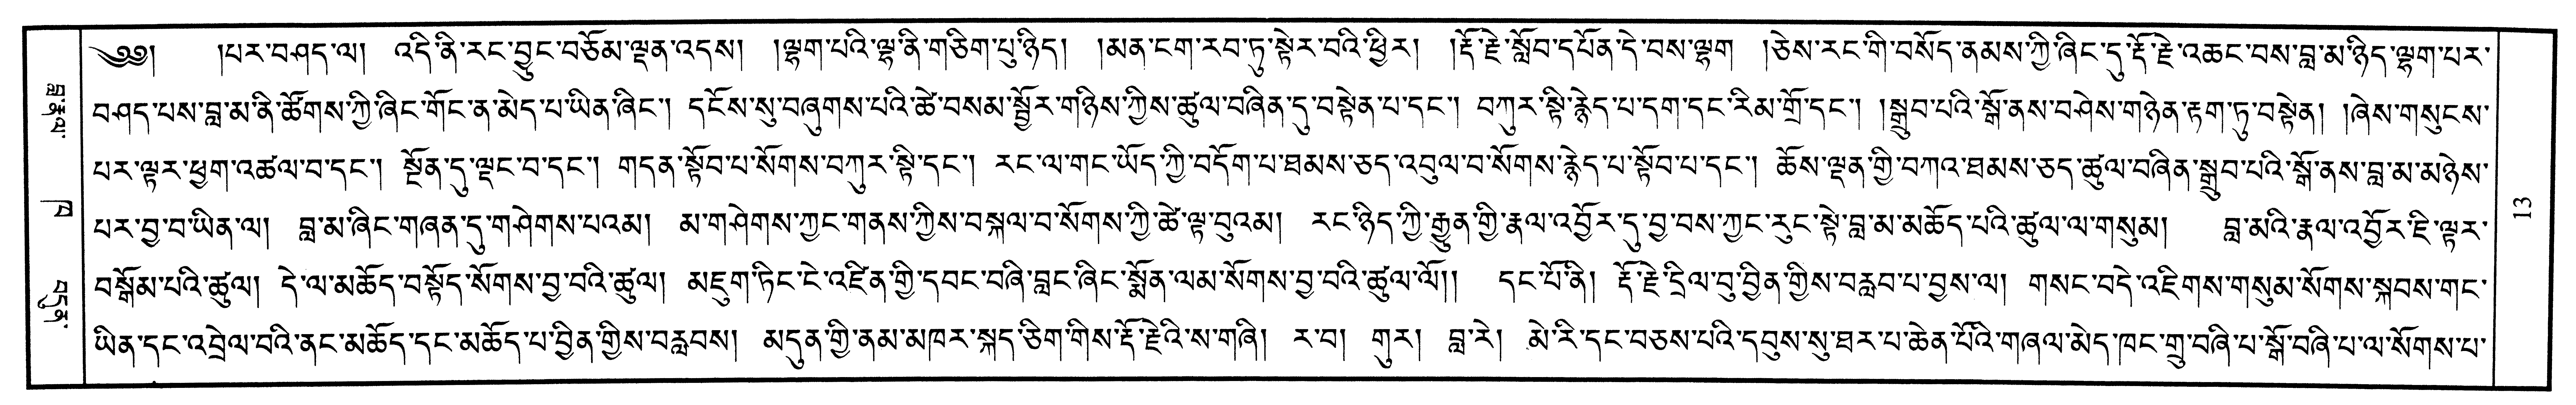༄༅། །པར་བཤད་ལ། འདི་ནི་རང་བྱུང་བཅོམ་ལྡན་འདས། །ལྷག་པའི་ལྷ་ནི་གཅིག་པུ་ཉིད། །མན་ངག་རབ་ཏུ་སྟེར་བའི་ཕྱིར། །རྡོ་རྗེ་སློབ་དཔོན་དེ་བས་ལྷག །ཅེས་རང་གི་བསོད་ནམས་ཀྱི་ཞིང་དུ་རྡོ་རྗེ་འཆང་བས་བླ་མ་ཉིད་ལྷག་པར་
བཤད་པས་བླ་མ་ནི་ཚོགས་ཀྱི་ཞིང་གོང་ན་མེད་པ་ཡིན་ཞིང་། དངོས་སུ་བཞུགས་པའི་ཚེ་བསམ་སྦྱོར་གཉིས་ཀྱིས་ཚུལ་བཞིན་དུ་བསྟེན་པ་དང་། བཀུར་སྟི་རྙེད་པ་དག་དང་རིམ་གྲོ་དང་། །སྒྲུབ་པའི་སྒོ་ནས་བཤེས་གཉེན་རྟག་ཏུ་བསྟེན། །ཞེས་གསུངས་
པར་ལྟར་ཕྱག་འཚལ་བ་དང་། སྔོན་དུ་ལྡང་བ་དང་། གདན་སྟོབ་པ་སོགས་བཀུར་སྟི་དང་། རང་ལ་གང་ཡོད་ཀྱི་བདོག་པ་ཐམས་ཅད་འབུལ་བ་སོགས་རྙེད་པ་སྟོབ་པ་དང་། ཆོས་ལྡན་གྱི་བཀའ་ཐམས་ཅད་ཚུལ་བཞིན་སྒྲུབ་པའི་སྒོ་ནས་བླ་མ་མཉེས་
པར་བྱ་བ་ཡིན་ལ། བླ་མ་ཞིང་གཞན་དུ་གཤེགས་པའམ། མ་གཤེགས་ཀྱང་གནས་ཀྱིས་བསྐལ་བ་སོགས་ཀྱི་ཚེ་ལྟ་བུའམ། རང་ཉིད་ཀྱི་རྒྱུན་གྱི་རྣལ་འབྱོར་དུ་བྱ་བས་ཀྱང་རུང་སྟེ་བླ་མ་མཆོད་པའི་ཚུལ་ལ་གསུམ། བླ་མའི་རྣལ་འབྱོར་ཇི་ལྟར་
བསྒོམ་པའི་ཚུལ། དེ་ལ་མཆོད་བསྟོད་སོགས་བྱ་བའི་ཚུལ། མཇུག་ཏིང་ངེ་འཛིན་གྱི་དབང་བཞི་བླང་ཞིང་སྨོན་ལམ་སོགས་བྱ་བའི་ཚུལ་ལོ། །དང་པོ་ནི། རྡོ་རྗེ་དྲིལ་བུ་བྱིན་གྱིས་བརླབ་པ་བྱས་ལ། གསང་བདེ་འཇིགས་གསུམ་སོགས་སྐབས་གང་
ཡིན་དང་འབྲེལ་བའི་ནང་མཆོད་དང་མཆོད་པ་བྱིན་གྱིས་བརླབས། མདུན་གྱི་ནམ་མཁར་སྐད་ཅིག་གིས་རྡོ་རྗེའི་ས་གཞི། ར་བ། གུར་བླ་རེ། མེ་རི་དང་བཅས་པའི་དབུས་སུ་ཐར་པ་ཆེན་པོའི་གཞལ་མེད་ཁང་གྲུ་བཞི་པ་སྒོ་བཞི་པ་ལ་སོགས་པ་